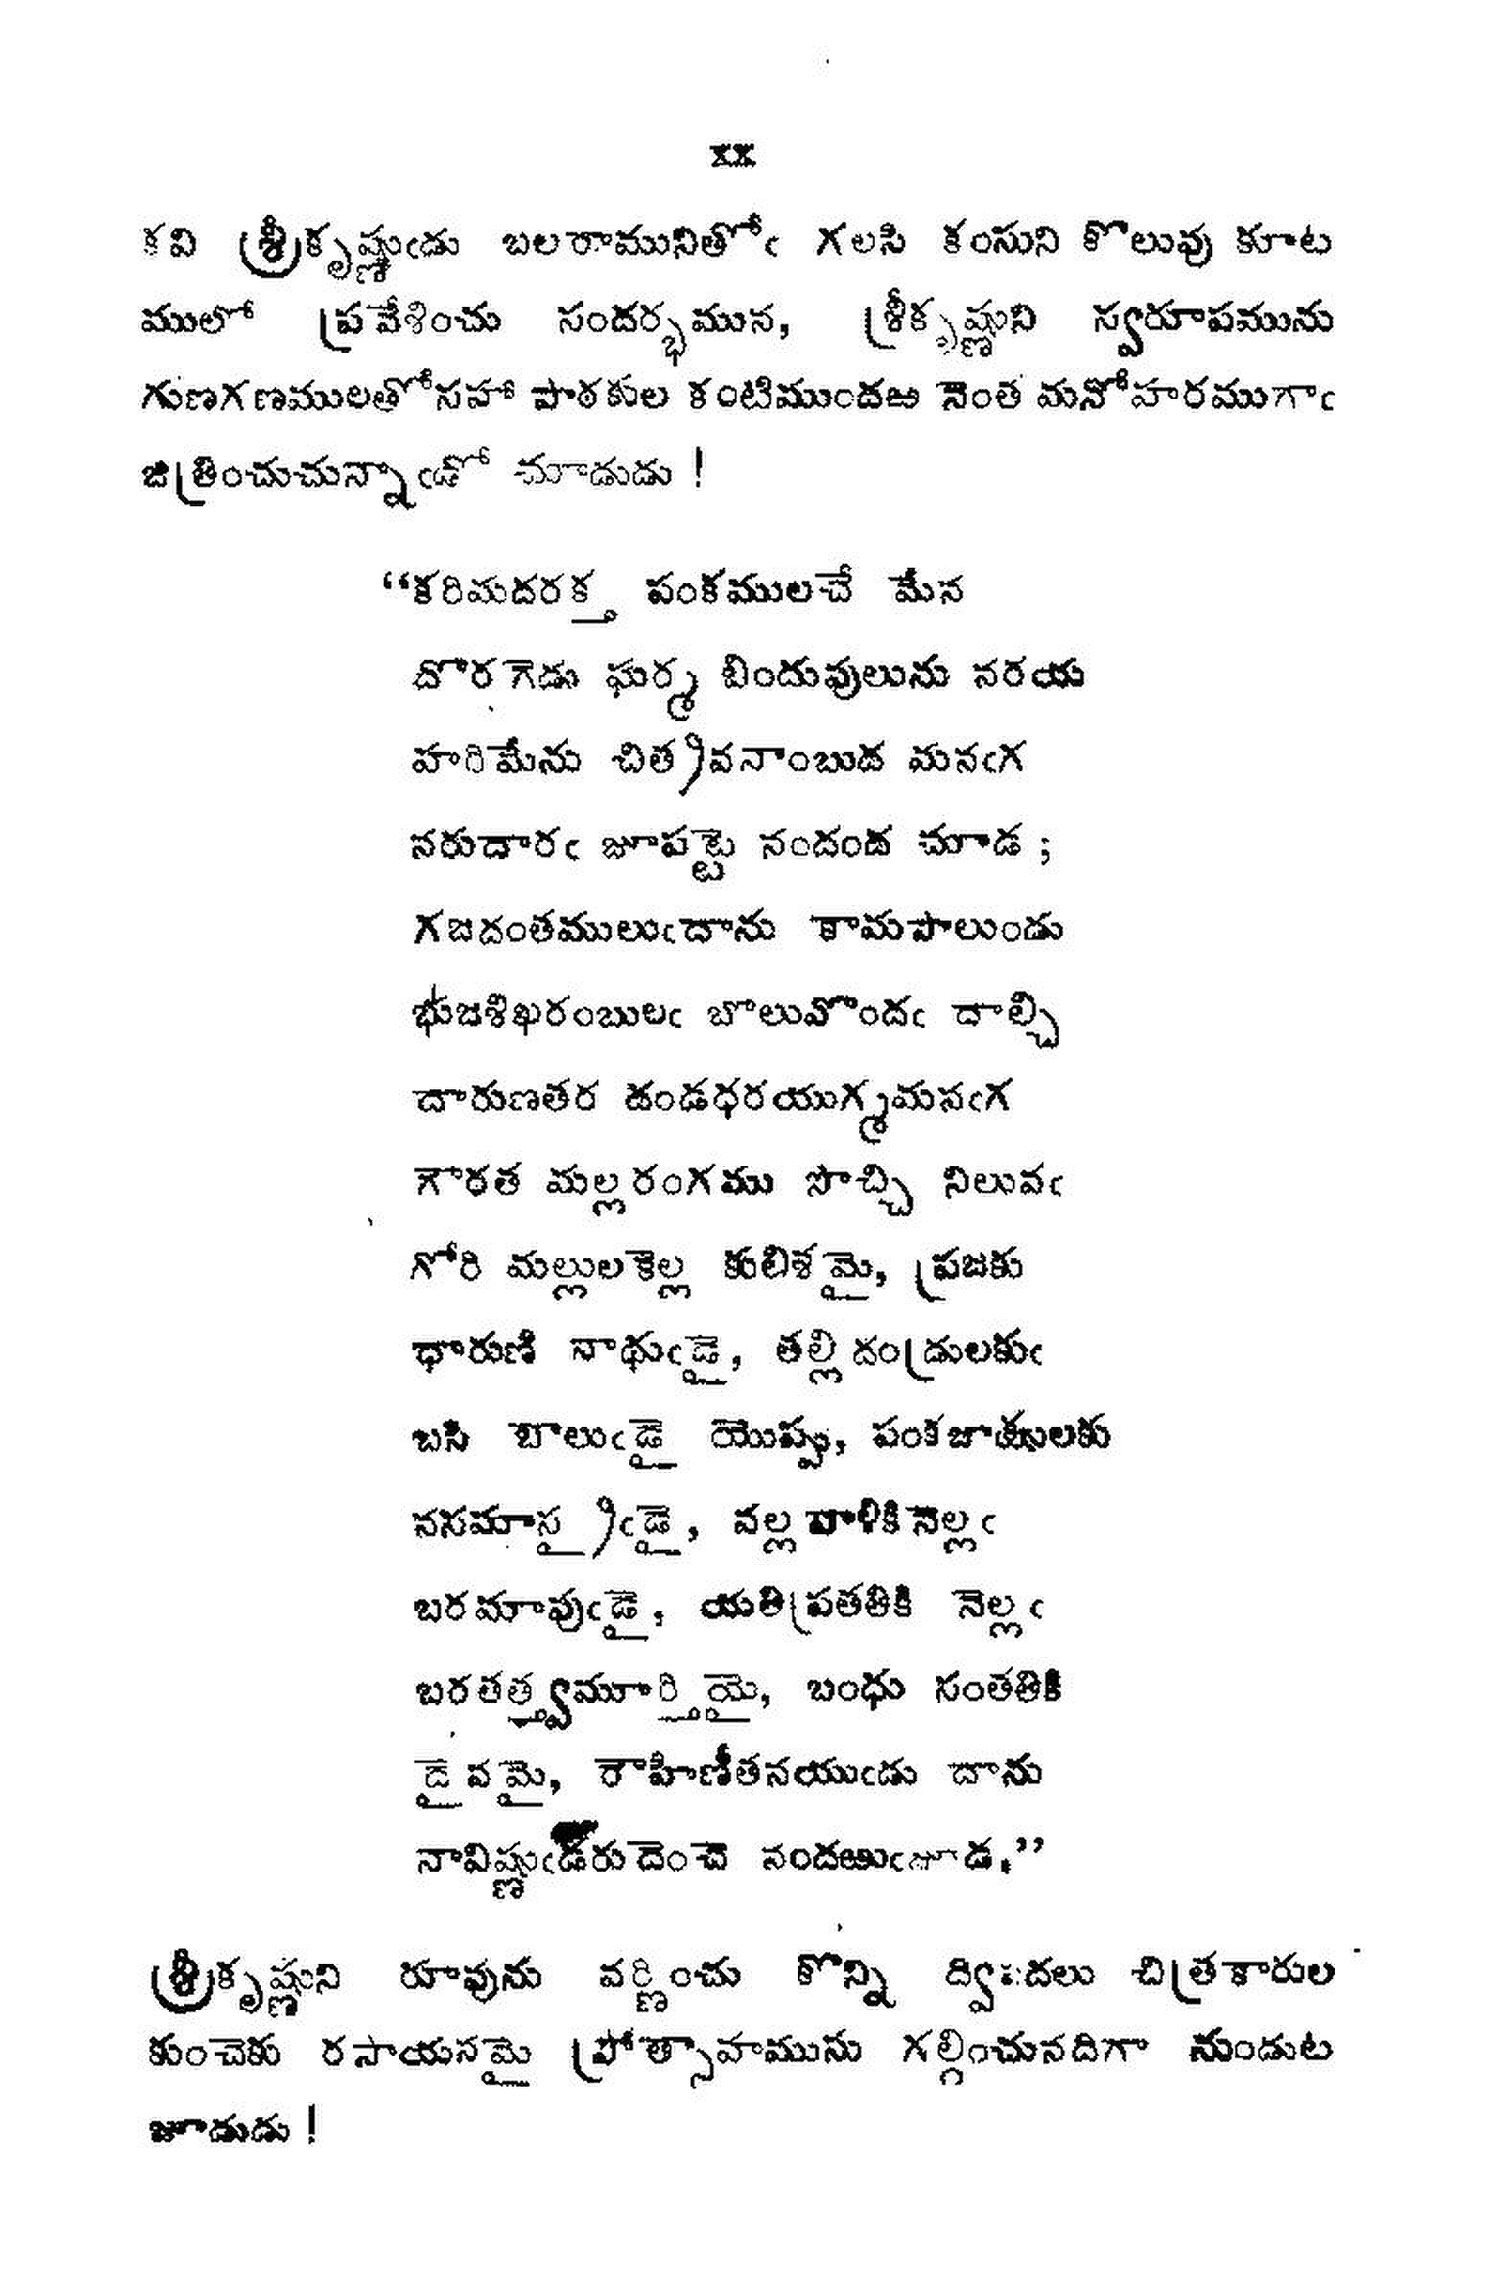కవి శ్రీకృష్ణుఁడు బలరామునితోఁ గలసి కంసుని కొలువు కూటములో ప్రవేశించు సందర్భమున, శ్రీకృష్ణుని స్వరూపమును గుణగణములతోసహా పాఠకుల కంటిముందఱ నెంత మనోహరముగాఁ జిత్రించుచున్నాడో చూడుడు!
 
శ్రీకృష్ణుని రూపును వర్ణించు కొన్ని ద్విపదలు చిత్రకారులకుంచెకు రసాయనమై ప్రోత్సాహమును గల్గించునదిగా నుండుట జూడుడు!